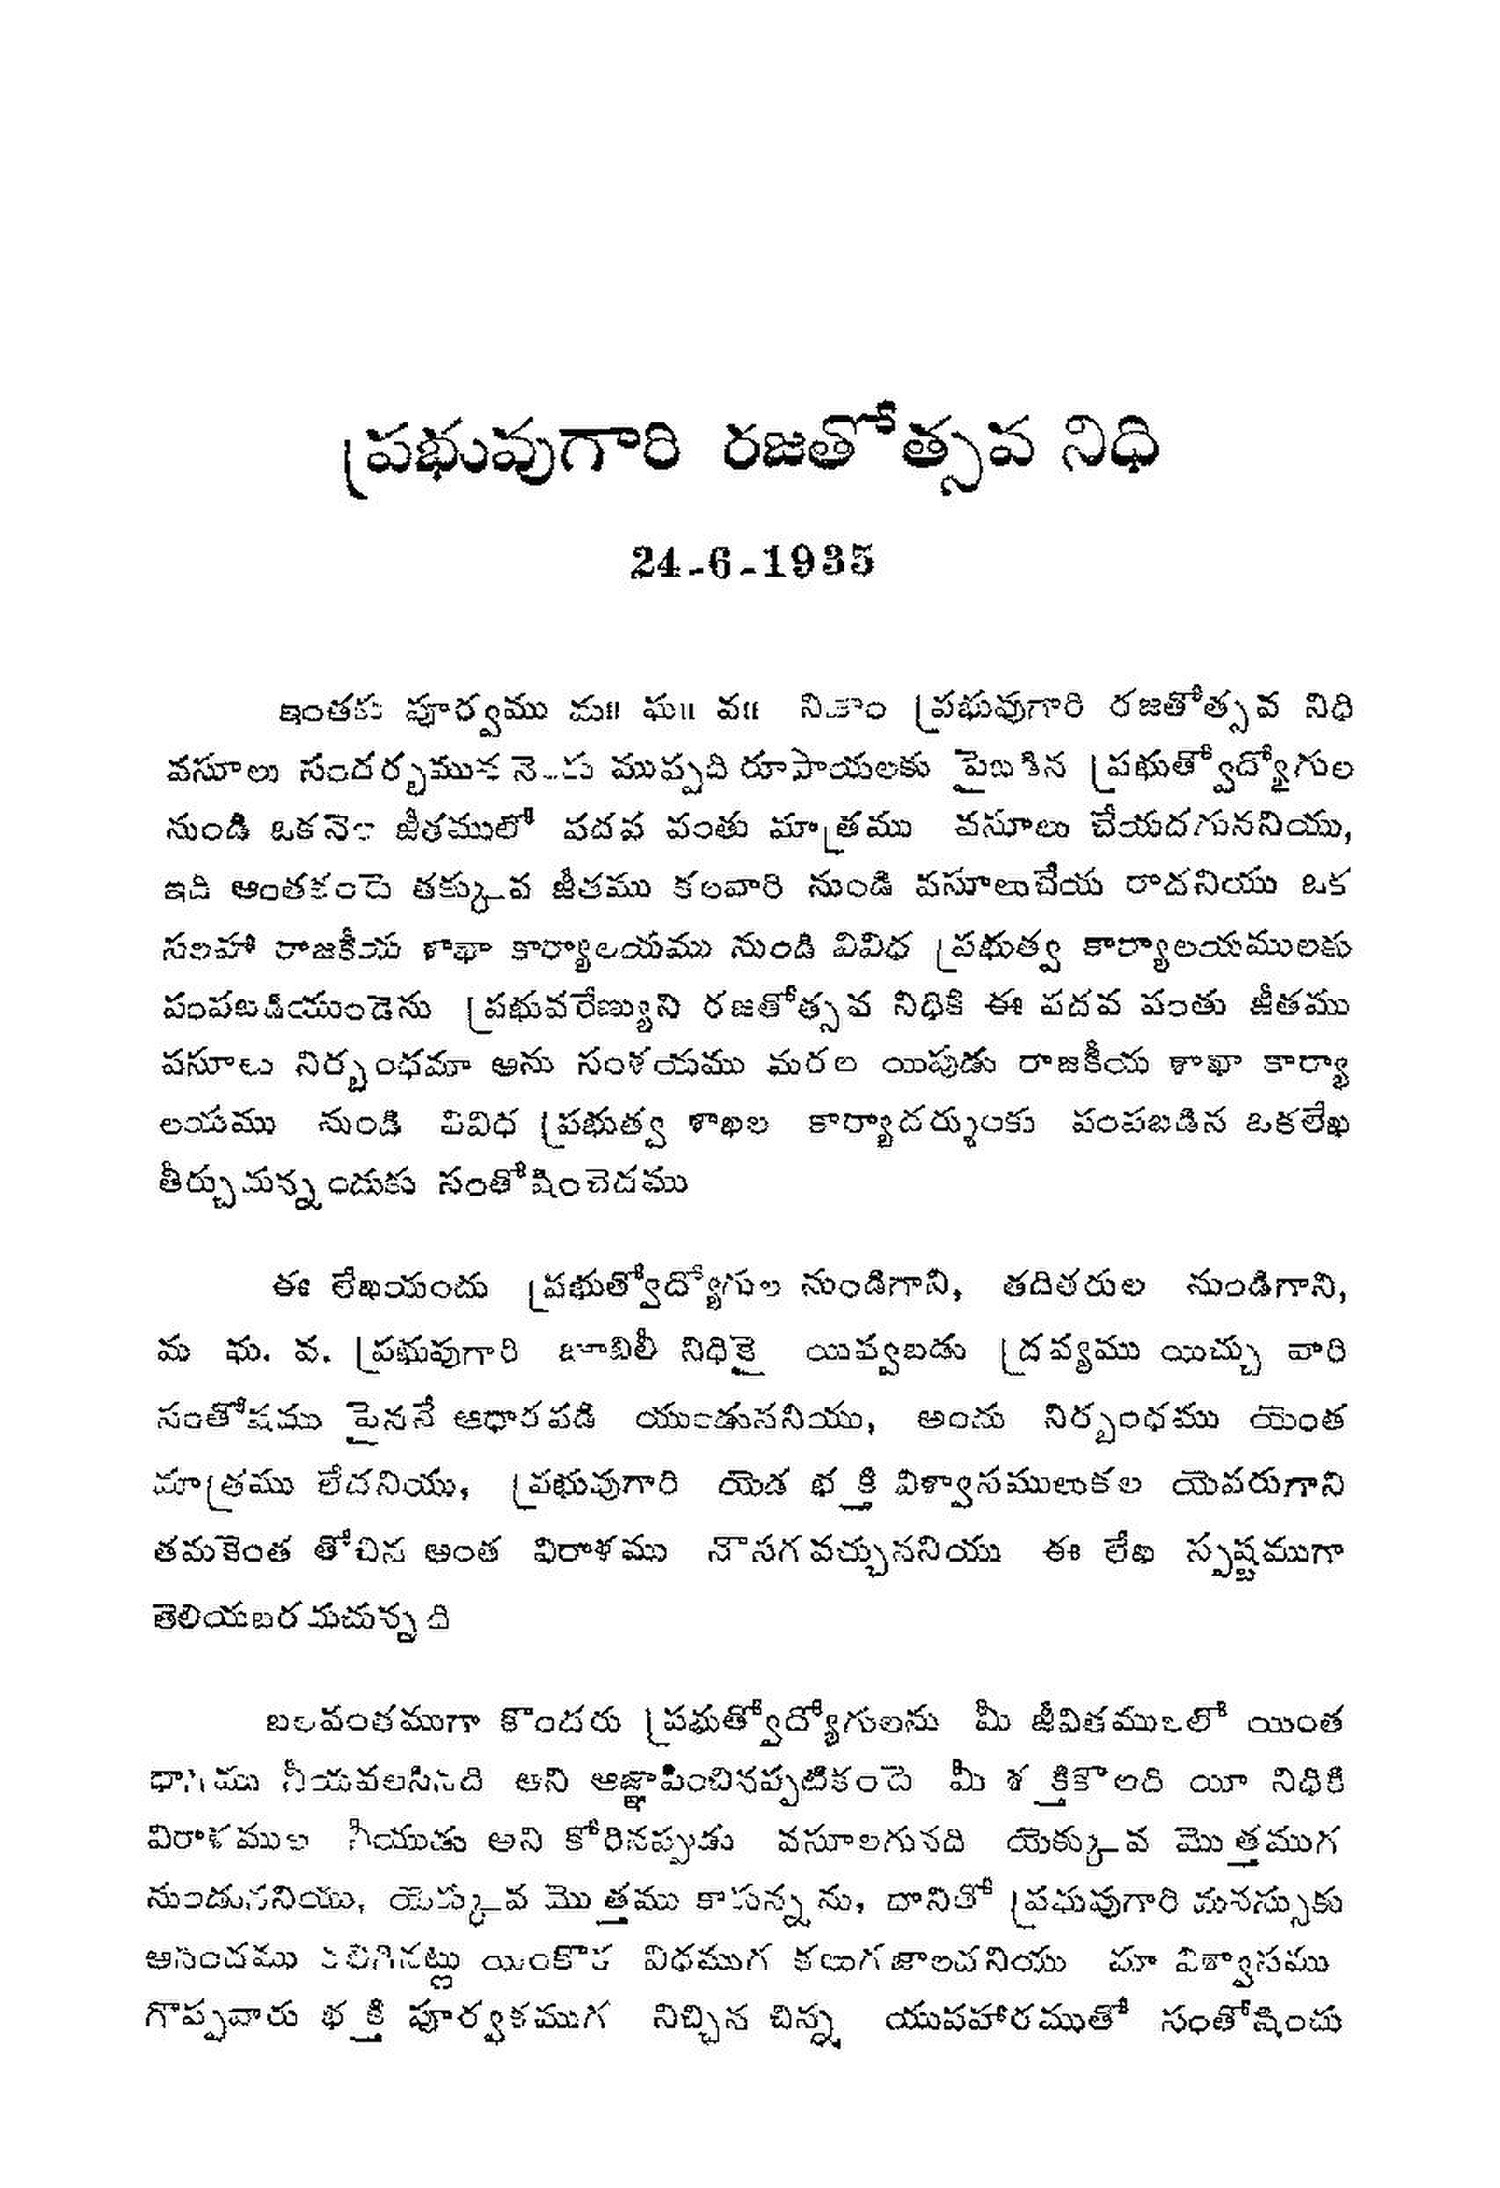ప్రభువుగారి రజతోత్సవ నిధి

24 - 6 - 1935

ఇంతకు పూర్వము మ॥ ఘ॥ వ॥ నిజాం ప్రభువుగారి రజతోత్సవ నిధి వసూలు సందర్భమున నెలకు ముప్పది రూపాయలకు పైబడిన ప్రభుత్వోద్యోగుల నుండి ఒకనెల జీతములో పదవ వంతు మాత్రము వసూలు చేయదగుననియు, ఇది అంతకంటె తక్కువ జీతము కలవారి నుండి వసూలుచేయ రాదనియు ఒక సలహా రాజకీయ శాఖా కార్యాలయము నుండి వివిధ ప్రభుత్వ కార్యాలయములకు పంపబడియుండెను ప్రభువరేణ్యుని రజతోత్సవ నిధికి ఈ పదవ వంతు జీతము వసూలు నిర్బంధమా అను సంశయము మరల యిపుడు రాజకీయ శాఖా కార్యాలయము నుండి వివిధ ప్రభుత్వ శాఖల కార్యాదర్శులకు పంపబడిన ఒకలేఖ తీర్చుచున్నందుకు సంతోషించెదము

ఈ లేఖయందు ప్రభుత్వోద్యోగుల నుండిగాని, తదితరుల నుండిగాని, మ. ఘ. వ. ప్రభువుగారి జూబిలీ నిధికై యివ్వబడు ద్రవ్యము యిచ్చు వారి సంతోషము పైననే ఆధారపడి యుండుననియు, అందు నిర్బంధము యెంత
మాత్రము లేదనియు, ప్రభువుగారి యెడ భక్తి విశ్వాసములుకల యెవరుగాని తమకెంత తోచిన అంత విరాళము నొసగవచ్చుననియు ఈ లేఖ స్పష్టముగా తెలియబరచుచున్నది

బలవంతముగా కొందరు ప్రభుత్వోద్యోగులను మీ జీవితములలో యింత భాగము నీయవలసినది అని ఆజ్ఞాపించినప్పటికంటె మీ శక్తికొలది యీ నిధికి విరాళముల నీయుడు అని కోరినప్పుడు వసూలగునది యెక్కువ మొత్తముగ నుండుననియు, యెక్కువ మొత్తము కాకున్నను, దానితో ప్రభువుగారి మనస్సుకు ఆనందము కలిగినట్లు యింకొక విధముగ కలుగజాలదనియు మా విశ్వాసము గొప్పవారు భ క్తి పూర్వకముగ నిచ్చిన చిన్న యుపహారముతో సంతోషించు